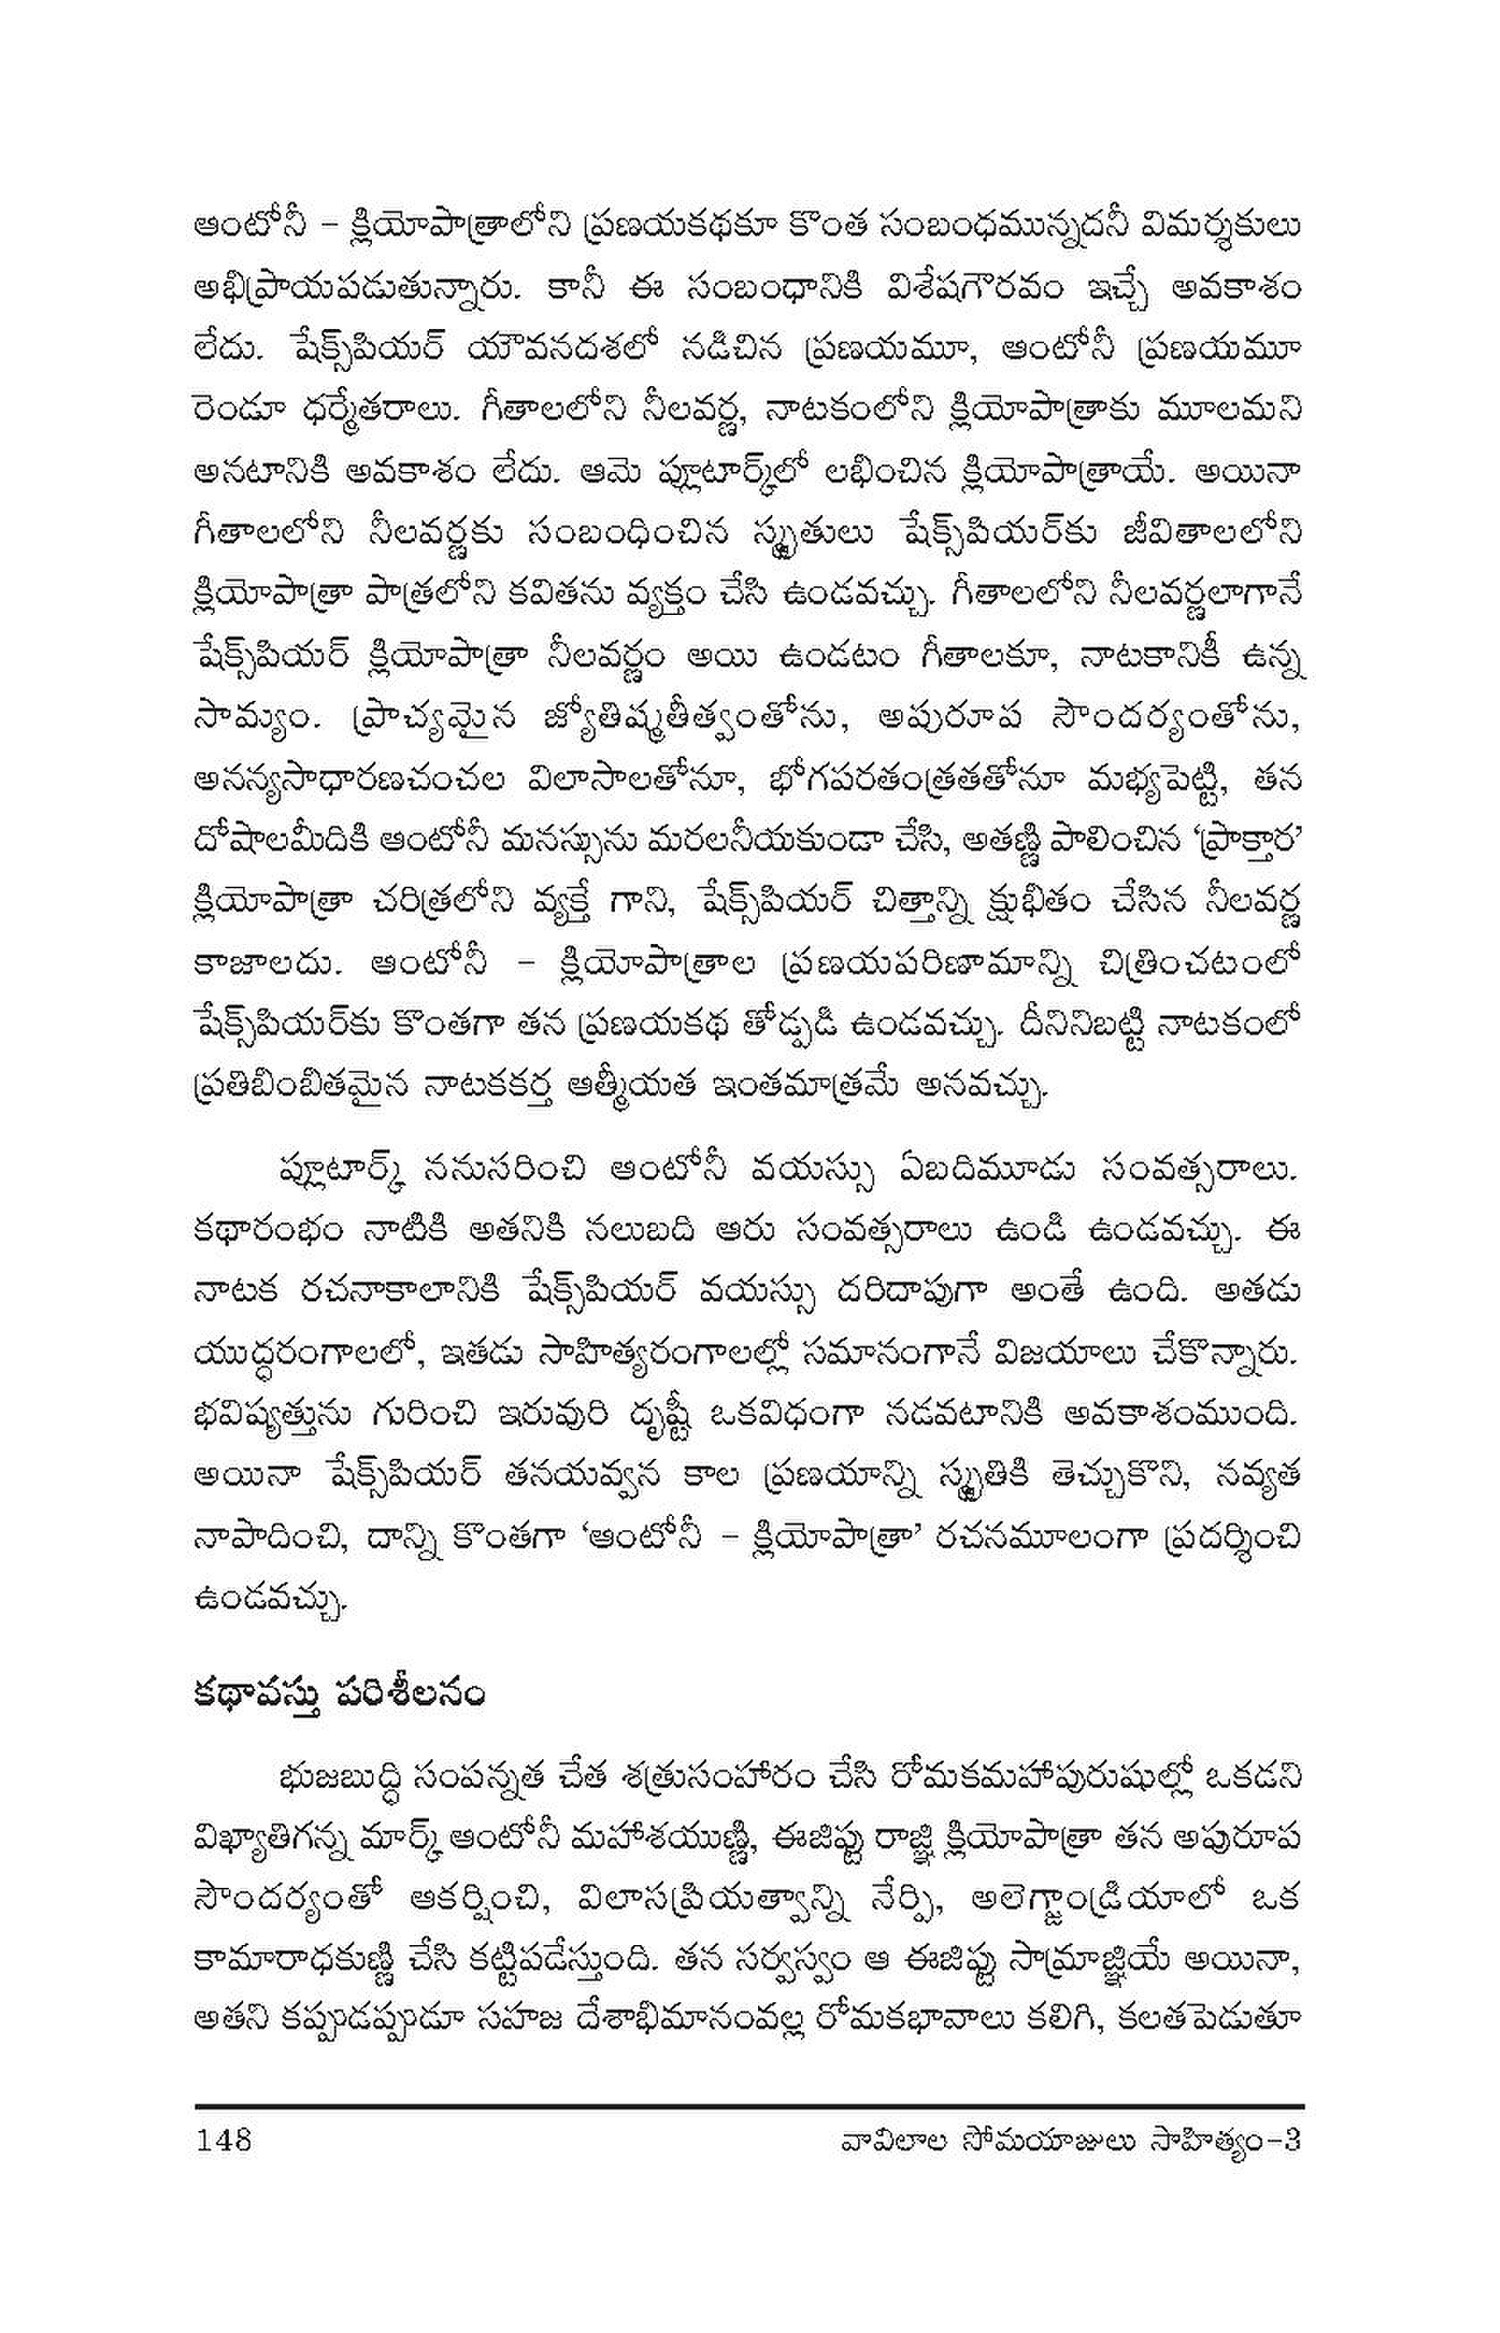ఆంటోనీ - క్లియోపాత్రాలోని ప్రణయకథకూ కొంత సంబంధమున్నదనీ విమర్శకులు అభిప్రాయపడుతున్నారు. కానీ ఈ సంబంధానికి విశేష గౌరవం ఇచ్చే అవకాశం లేదు. షేక్స్ పియర్ యౌవనదశలో నడిచిన ప్రణయమూ, ఆంటోనీ ప్రణయమూ రెండూ ధర్మేతరాలు. గీతాలలోని నీలవర్ణ, నాటకంలోని క్లియోపాత్రాకు మూలమని అనటానికి అవకాశం లేదు. ఆమె ప్లూటార్క్ లభించిన క్లియోపాత్రాయే. అయినా గీతాలలోని నీలవర్ణకు సంబంధించిన స్మృతులు షేక్స్ పియర్ కు జీవితాలలోని క్లియోపాత్రా పాత్రలోని కవితను వ్యక్తం చేసి ఉండవచ్చు. గీతాలలోని నీలవర్ణలాగానే షేక్స్ పియర్ క్లియోపాత్రా నీలవర్ణం అయి ఉండటం గీతాలకూ, నాటకానికీ ఉన్న సామ్యం. ప్రాచ్యమైన జ్యోతిష్మతీత్వంతోను, అపురూప సౌందర్యంతోను, అనన్యసాధారణచంచల విలాసాలతోనూ, భోగపరతంత్రతతోనూ మభ్యపెట్టి, తన దోషాలమీదికి ఆంటోనీ మనస్సును మరలనీయకుండా చేసి, అతణ్ణి పాలించిన 'ప్రాక్తార' క్లియోపాత్రా చరిత్రలోని వ్యక్తే గాని, షేక్స్ పియర్ చిత్తాన్ని క్షుభితం చేసిన నీలవర్ణ కాజాలదు. ఆంటోనీ క్లియోపాత్రా ప్రణయపరిణామాన్ని చిత్రించటంలో షేక్స్పియరు కొంతగా తన ప్రణయకథ తోడ్పడి ఉండవచ్చు. దీనినిబట్టి నాటకంలో ప్రతిబింబితమైన నాటకకర్త ఆత్మీయత ఇంతమాత్రమే అనవచ్చు.

ప్లూటార్క్ ననుసరించి అంటోనీ వయస్సు ఏబదిమూడు సంవత్సరాలు. కథారంభం నాటికి అతనికి నలుబది ఆరు సంవత్సరాలు ఉండి ఉండవచ్చు. ఈ నాటక రచనాకాలానికి షేక్స్ పియర్ వయస్సు దరిదాపుగా అంతే ఉంది. అతడు
యుద్ధరంగాలలో, ఇతడు సాహిత్యరంగాలల్లో సమానంగానే విజయాలు చేకొన్నారు. భవిష్యత్తును గురించి ఇరువురి దృష్టీ ఒకవిధంగా నడవటానికి అవకాశంముంది. అయినా షేక్స్ పియర్ తనయవ్వన కాల ప్రణయాన్ని స్మృతికి తెచ్చుకొని, నవ్యత
నాపాదించి, దాన్ని కొంతగా 'ఆంటోనీ - క్లియోపాత్రా' రచనమూలంగా ప్రదర్శించి ఉండవచ్చు.

భుజబుద్ధి సంపన్నత చేత శత్రుసంహారం చేసి రోమక మహాపురుషుల్లో ఒకడని విఖ్యాతిగన్న మార్క్ ఆంటోనీ మహాశయుణ్ణి, ఈజిప్టు రాజ్ఞి క్లియోపాత్రా తన అపురూప సౌందర్యంతో ఆకర్షించి, విలాసప్రియత్వాన్ని నేర్పి, అలెగ్జాండ్రియాలో ఒక
కామారాధకుణ్ణి చేసి కట్టిపడేస్తుంది. తన సర్వస్వం ఆ ఈజిప్టు సామ్రాజ్ఞియే అయినా, అతని కప్పుడప్పుడూ సహజ దేశాభిమానంవల్ల రోమకభావాలు కలిగి, కలతపెడుతూ